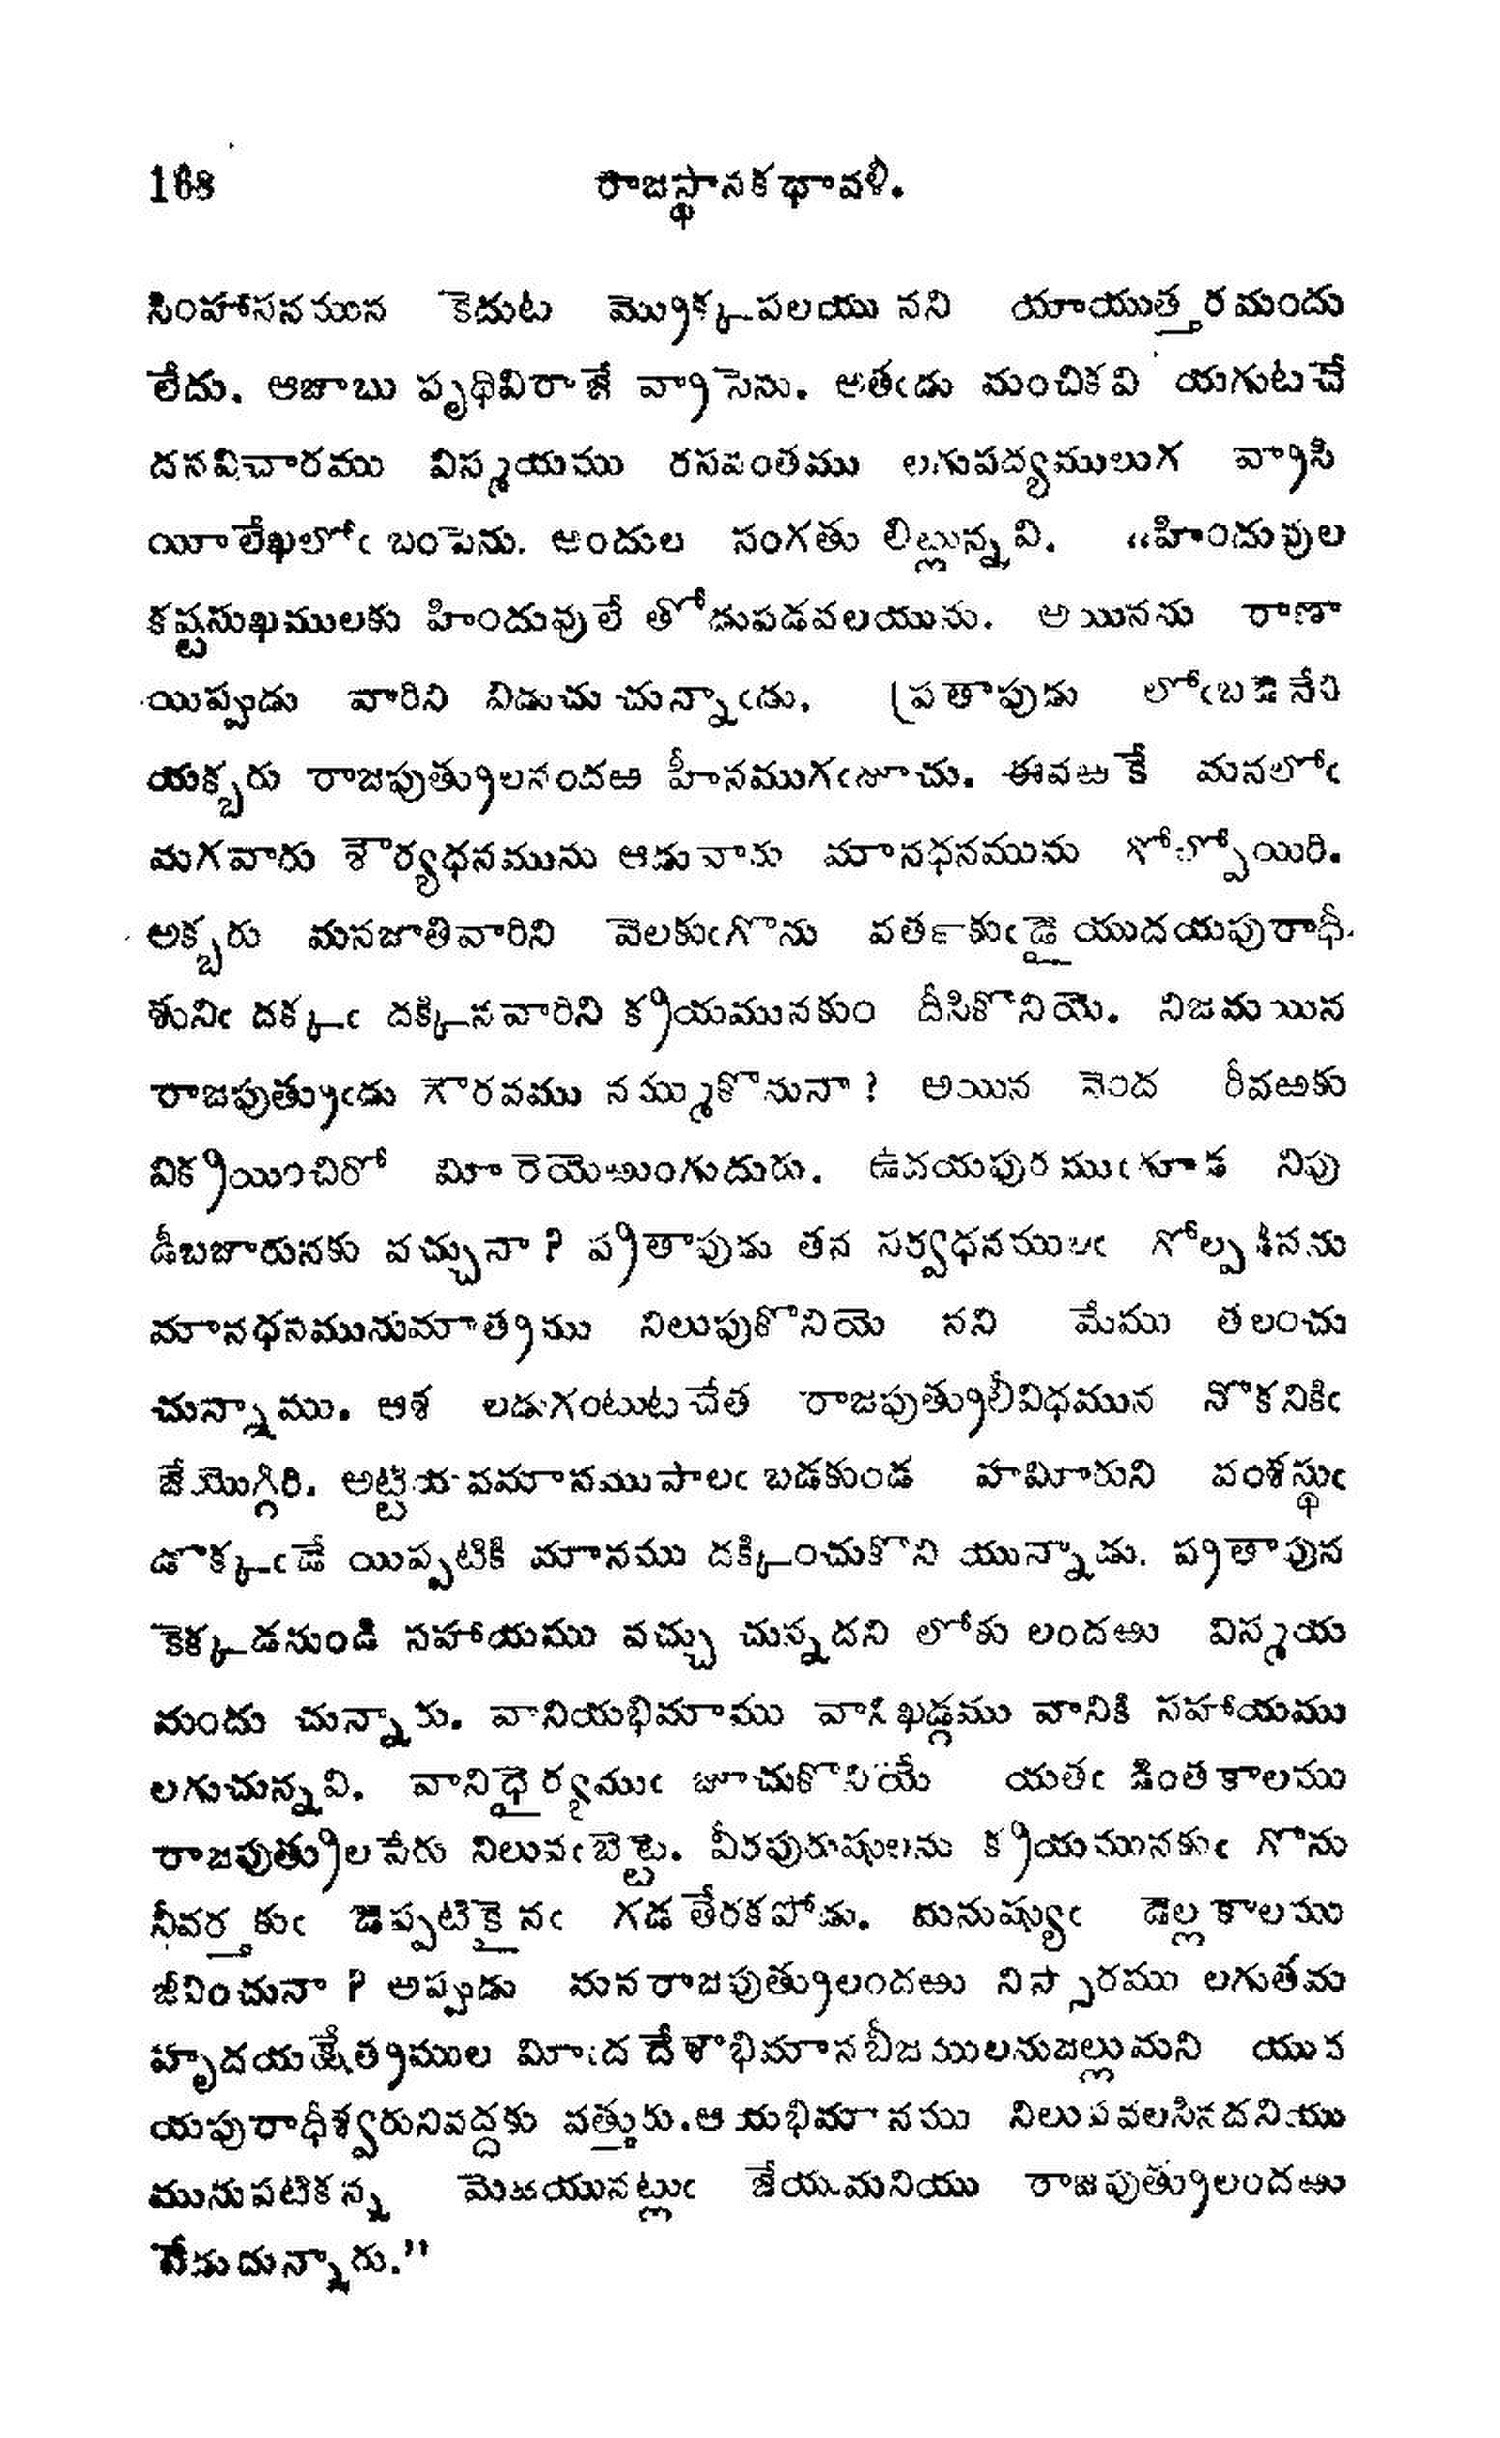సింహాసనమున కెదుట మొక్కవలయు నని యాయుత్త రమందు లేదు. ఆజాబు పృథివిరాజే వ్రాసెను. అతఁడు మంచికవి యగుటచే
దనవిచారము విస్మయము రసపంతము లగుపద్యములుగ వ్రాసి యీ లేఖలోఁ బంపెను. ఆందుల సంగతు లిట్లున్నవి. « హిందువుల
కష్టసుఖములకు హిందువులే తోడుపడవలయును. అయినను రాణా యిప్పుడు వారిని విడుచు చున్నాఁడు, ప్రతాపుడు లోఁబడె నేని
యక్బరు రాజపుత్రులనందఱ హీనముగఁజూచు. ఈవఱకే మనలోఁ మగవారు శౌర్యధనమును ఆడు వారు మానధనమును గోల్పోయిరి.
అక్బరు మనజాతి వారిని వెలకుఁగొను వత౯కుఁడై యుదయపురాధీశునిఁ దక్కఁ దక్కినవారిని క్రయమునకుం దీసికొనియె. నిజమయిన
రాజపుత్రుఁడు గౌరవము నమ్ముకొనునా ! అయిన నెంద రీవఱకు విక్రయించిరో మీ రెఱుంగుదురు. ఉదయపురముఁ గూడ నిపు
డీబజారునకు వచ్చునా ? ప్రతాపుడు తన సర్వధనములఁ గోల్పడినను మానధనమునుమాత్రము నిలుపుకొనియె నని మేము తలంచు
చున్నాము. ఆశ లడుగంటుట చేత రాజపుత్రులీ విధమున నొకనికిఁ జేయొగ్గిరి. అట్టి యవమానము పాలఁ బడకుండ హమీరుని వంశస్థుఁ
డొక్కఁడే యిప్పటికి మానము దక్కించుకొని యున్నాడు. ప్రతాపున కెక్కడనుండి సహాయము వచ్చు చున్నదని లోకు లందఱు విస్మయ
మందు చున్నారు. వానియభిమానము వాని ఖడ్గము వానికి సహాయము లగుచున్నవి, వాని ధైర్యముఁ జూచుకొసియే యతం డింతకాలము
రాజపుత్రుల పేరు నిలువఁ బెట్టె. వీరపురుషులను క్రయమునకుఁ గోను నీవర్తకుఁ డెప్పటికైనఁ గడ తేరక పోడు. మనుష్యుఁ డెల్ల కాలము
జీవించునా ? అప్పుడు మన రాజపుత్రులందఱు నిస్సారము లగుతమ హృదయ క్షేత్రముల మీద దేశాభిమాన బీజములను జల్లు మని యుద
యపురాధీశ్వరునివద్దకు వత్తురు. ఆ యభిమానము నిలుపవలసినదనియు మునుపటికన్న మెఱయునట్లుఁ జేయుమనియు రాజపుత్రులందఱు
వేడుచున్నారు."